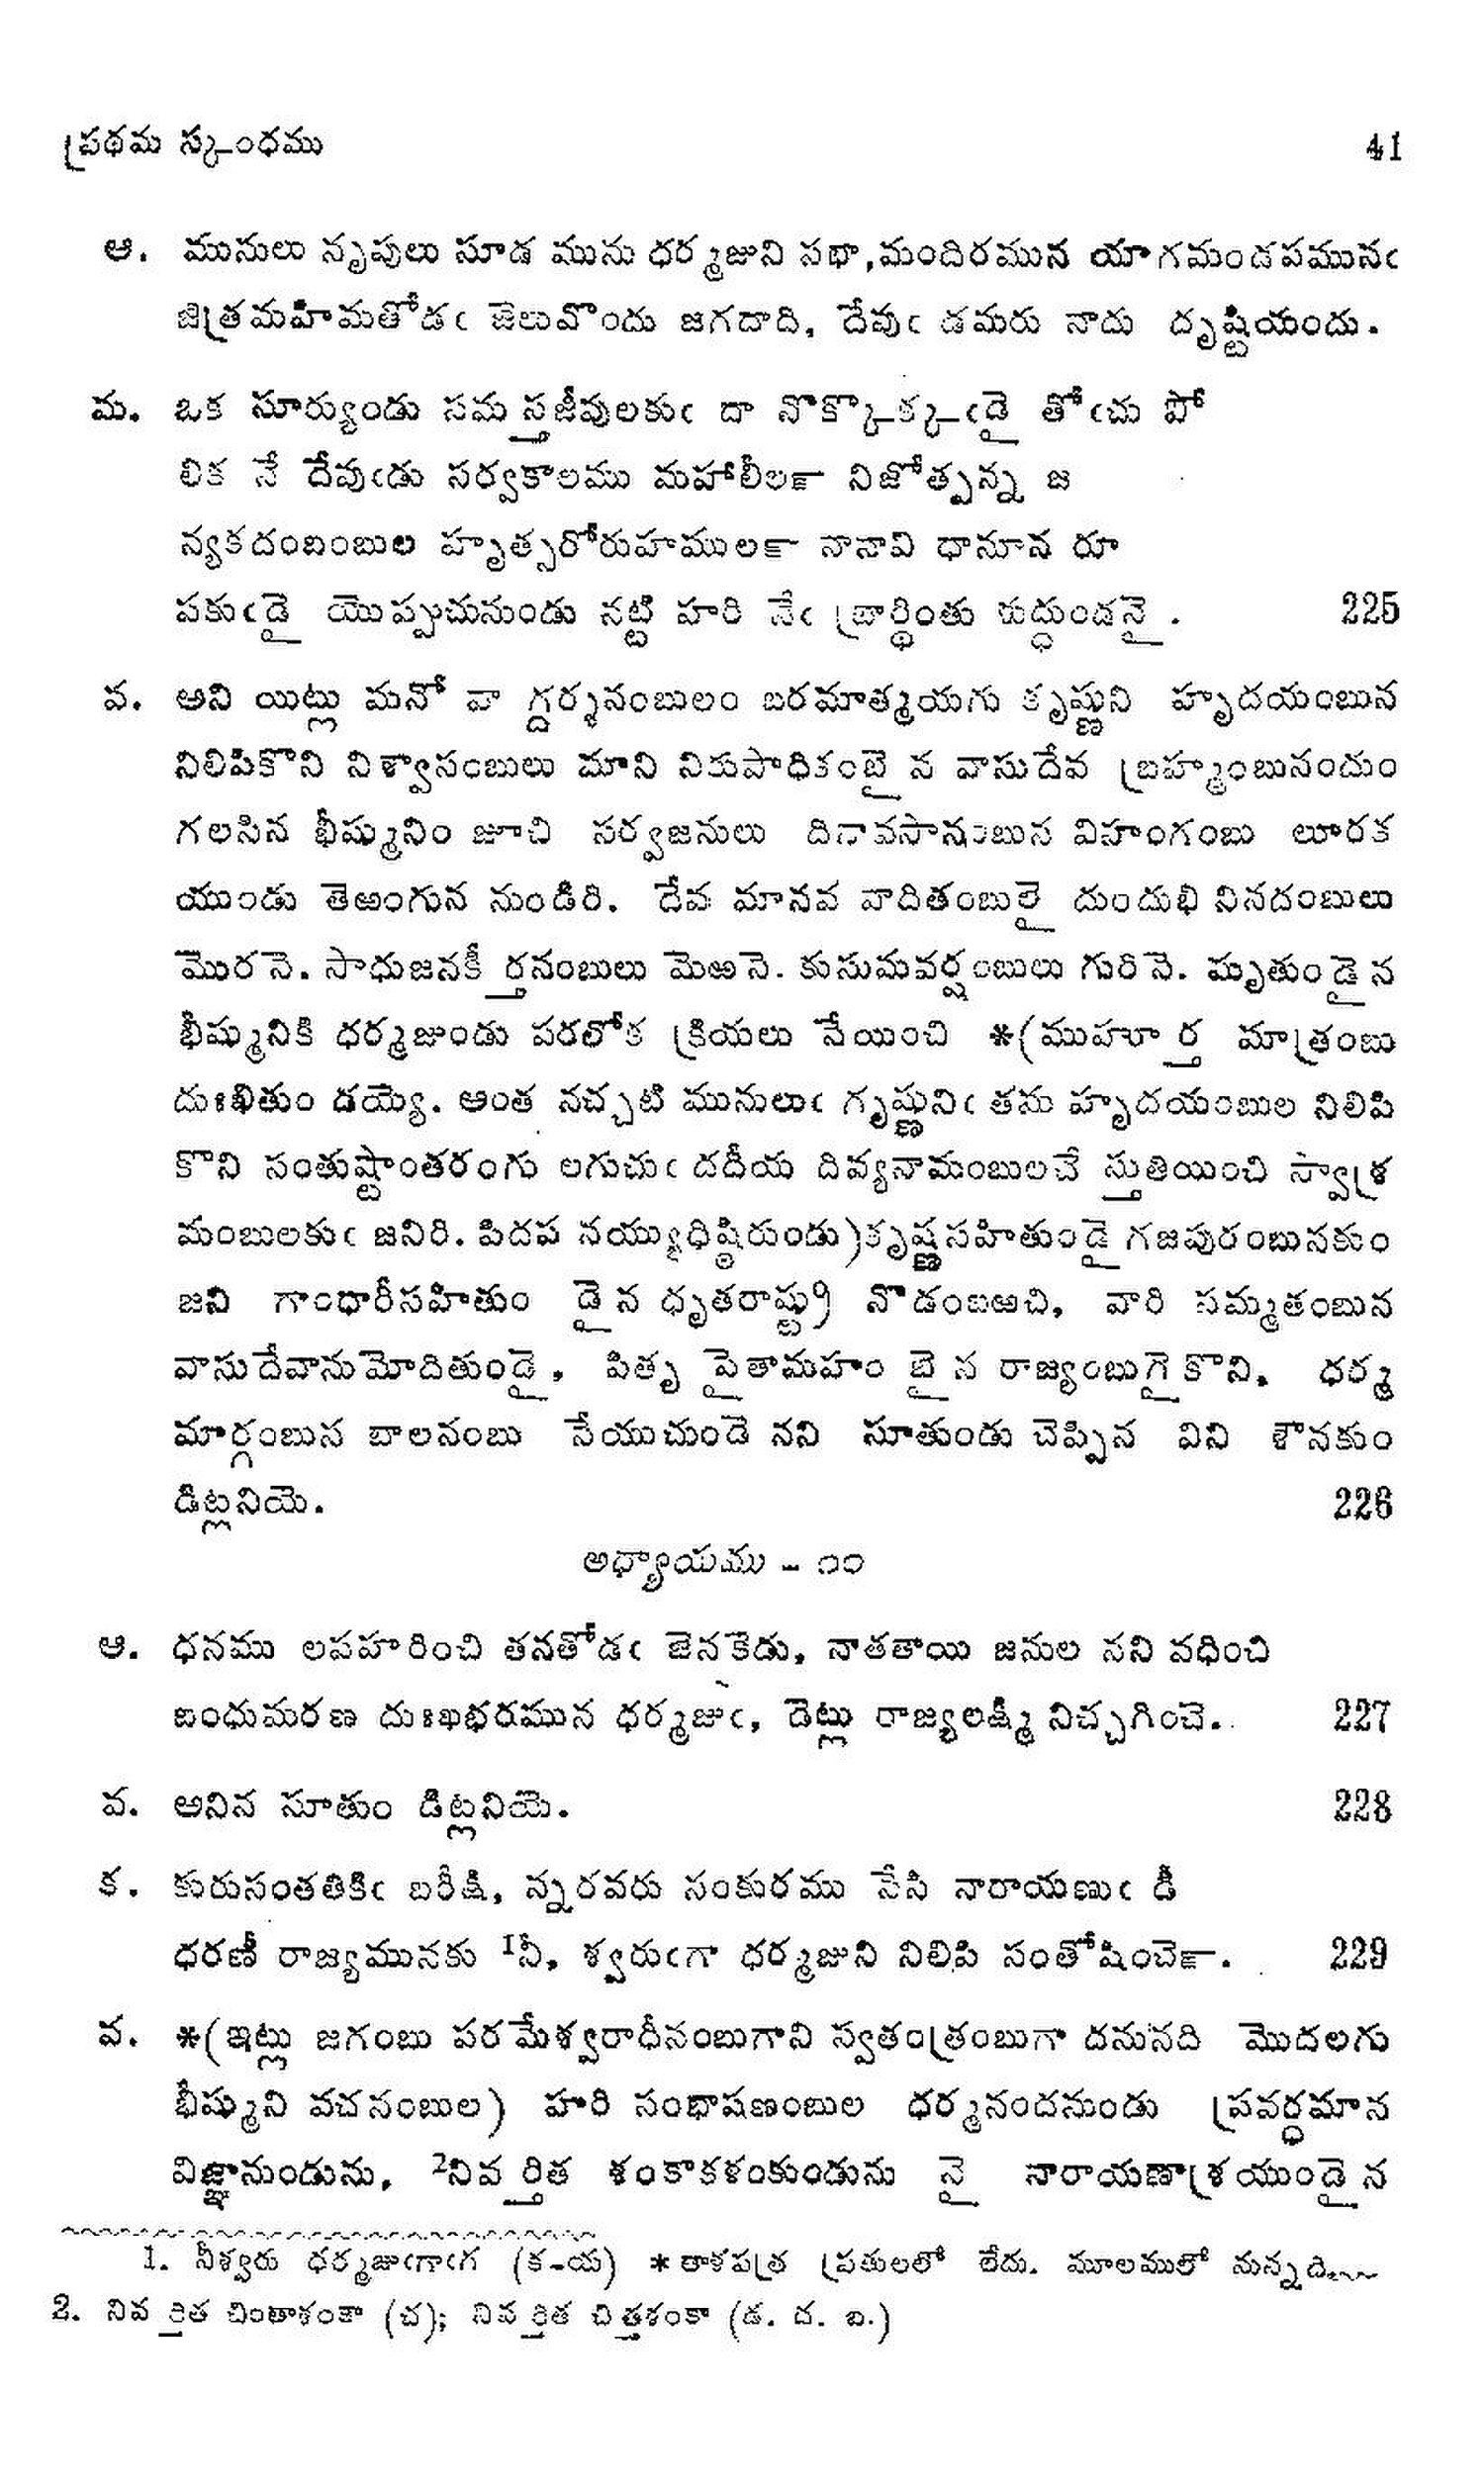41

ఆ.వె. మునులు నృపులు సూడ మును ధర్మజుని సభా, మందిరమున యాగమండపమునఁ

జిత్రమహిమతోడఁ జెలువొందు జగదాది, దేవుఁడమరు నాదు దృష్టియందు. (1-224)

మ. ఒక సూర్యుండు సమస్తజీవులకుఁ దా నొక్కొక్కఁడై తోఁచు పో

లిక నే దేవుండు సర్వకాలము మహాలీలన్ నిజోత్పన్న జ

న్య కదంబంబుల హృత్సరోరుహములన్ నానావిధానూన రూ

పకుఁడై యొప్పుచునుండు నట్టి హరి నేఁ బ్రార్ఠింతు శుద్ధుండనై. (1-225)

వ. అని యిట్లు మనో వాగ్దర్శనంబులం బరమాత్మ యగు కృష్ణుని హృదయంబున నిలిపికొని ని:శ్వాసంబులు మాని నిరుపాధికంబైన వాసుదేవ బ్రహ్మంబునందుం గలసిన భీష్మునిం జూచి సర్వజనులు దినావసానంబున విహంగంబు లూరకయుండు తెఱంగున నుండిరి. దేవమానవ వాదితంబులై దుందుభి నినదంబులు మొరసె. సాధుజన కీర్తనంబులు మెఱసె. కుసుమ వర్షంబులు గుఱిసె. మృతుండైన భీష్మునికి ధర్మజుండు పరలోక క్రియలు సేయించి (ముహూర్తమాత్రంబు దు:ఖితుండయ్యె. అంత నచ్చటి మునులు కృష్ణుని తమ హృదయంబుల నిలిపికొని సంతుష్టాంతరంగులగుచుఁ దదీయ దివ్యనామంబులచే స్తుతియించి స్వాశ్రమంబులకుఁ జనిరి. పిదప నయ్యుధిష్ఠిరుండు) కృష్ణసహితుండై గజపురంబునకుం జని గాంధారీసహితుండైన ధృతరాష్ట్రు నొడంబఱచి వారి సమ్మతంబున వాసుదేవానుమోదితుండై, పితృపైతామహంబైన రాజ్యంబుఁ గైకొని ధర్మమార్గంబునఁ బాలనంబు సేయుచుండె నని సూతుండు సెప్పిన విని శౌనకుం డిట్లనియె. (1-226)

ఆ.వె. ధనము లపహరించి తనతోడఁ జెనకెడు, నాతతాయి జనుల నని వధించి

బంధుమరణ దు:ఖ భరమున ధర్మజుఁ , డెట్లు రాజ్యలక్ష్మి నిచ్చగించె. (1-227)

వ. అనిన సూతుం డిట్లనియె. (1-228)

కం. కురుసంతతికిఁ బరీక్షి, న్నరవరు నంకురము సేసి నారాయణుఁ డీ

ధరణీ రాజ్యమునకు నీ,శ్వరుఁగా ధర్మజుని నిలిపి సంతోషించెన్. (1-229)

వ. (ఇట్లు జగంబు పరమేశ్వరాధీనంబు గాని స్వతంత్రంబు గా దనునది మొదలగు భీష్ముని వచనంబుల) హరిసంభాషణంబుల ధర్మనందనుండు ప్రవర్ధమాన విజ్ఞానుండును, నివర్తిత శంకాకళంకుండు నై నారాయణాశ్రయుండైన